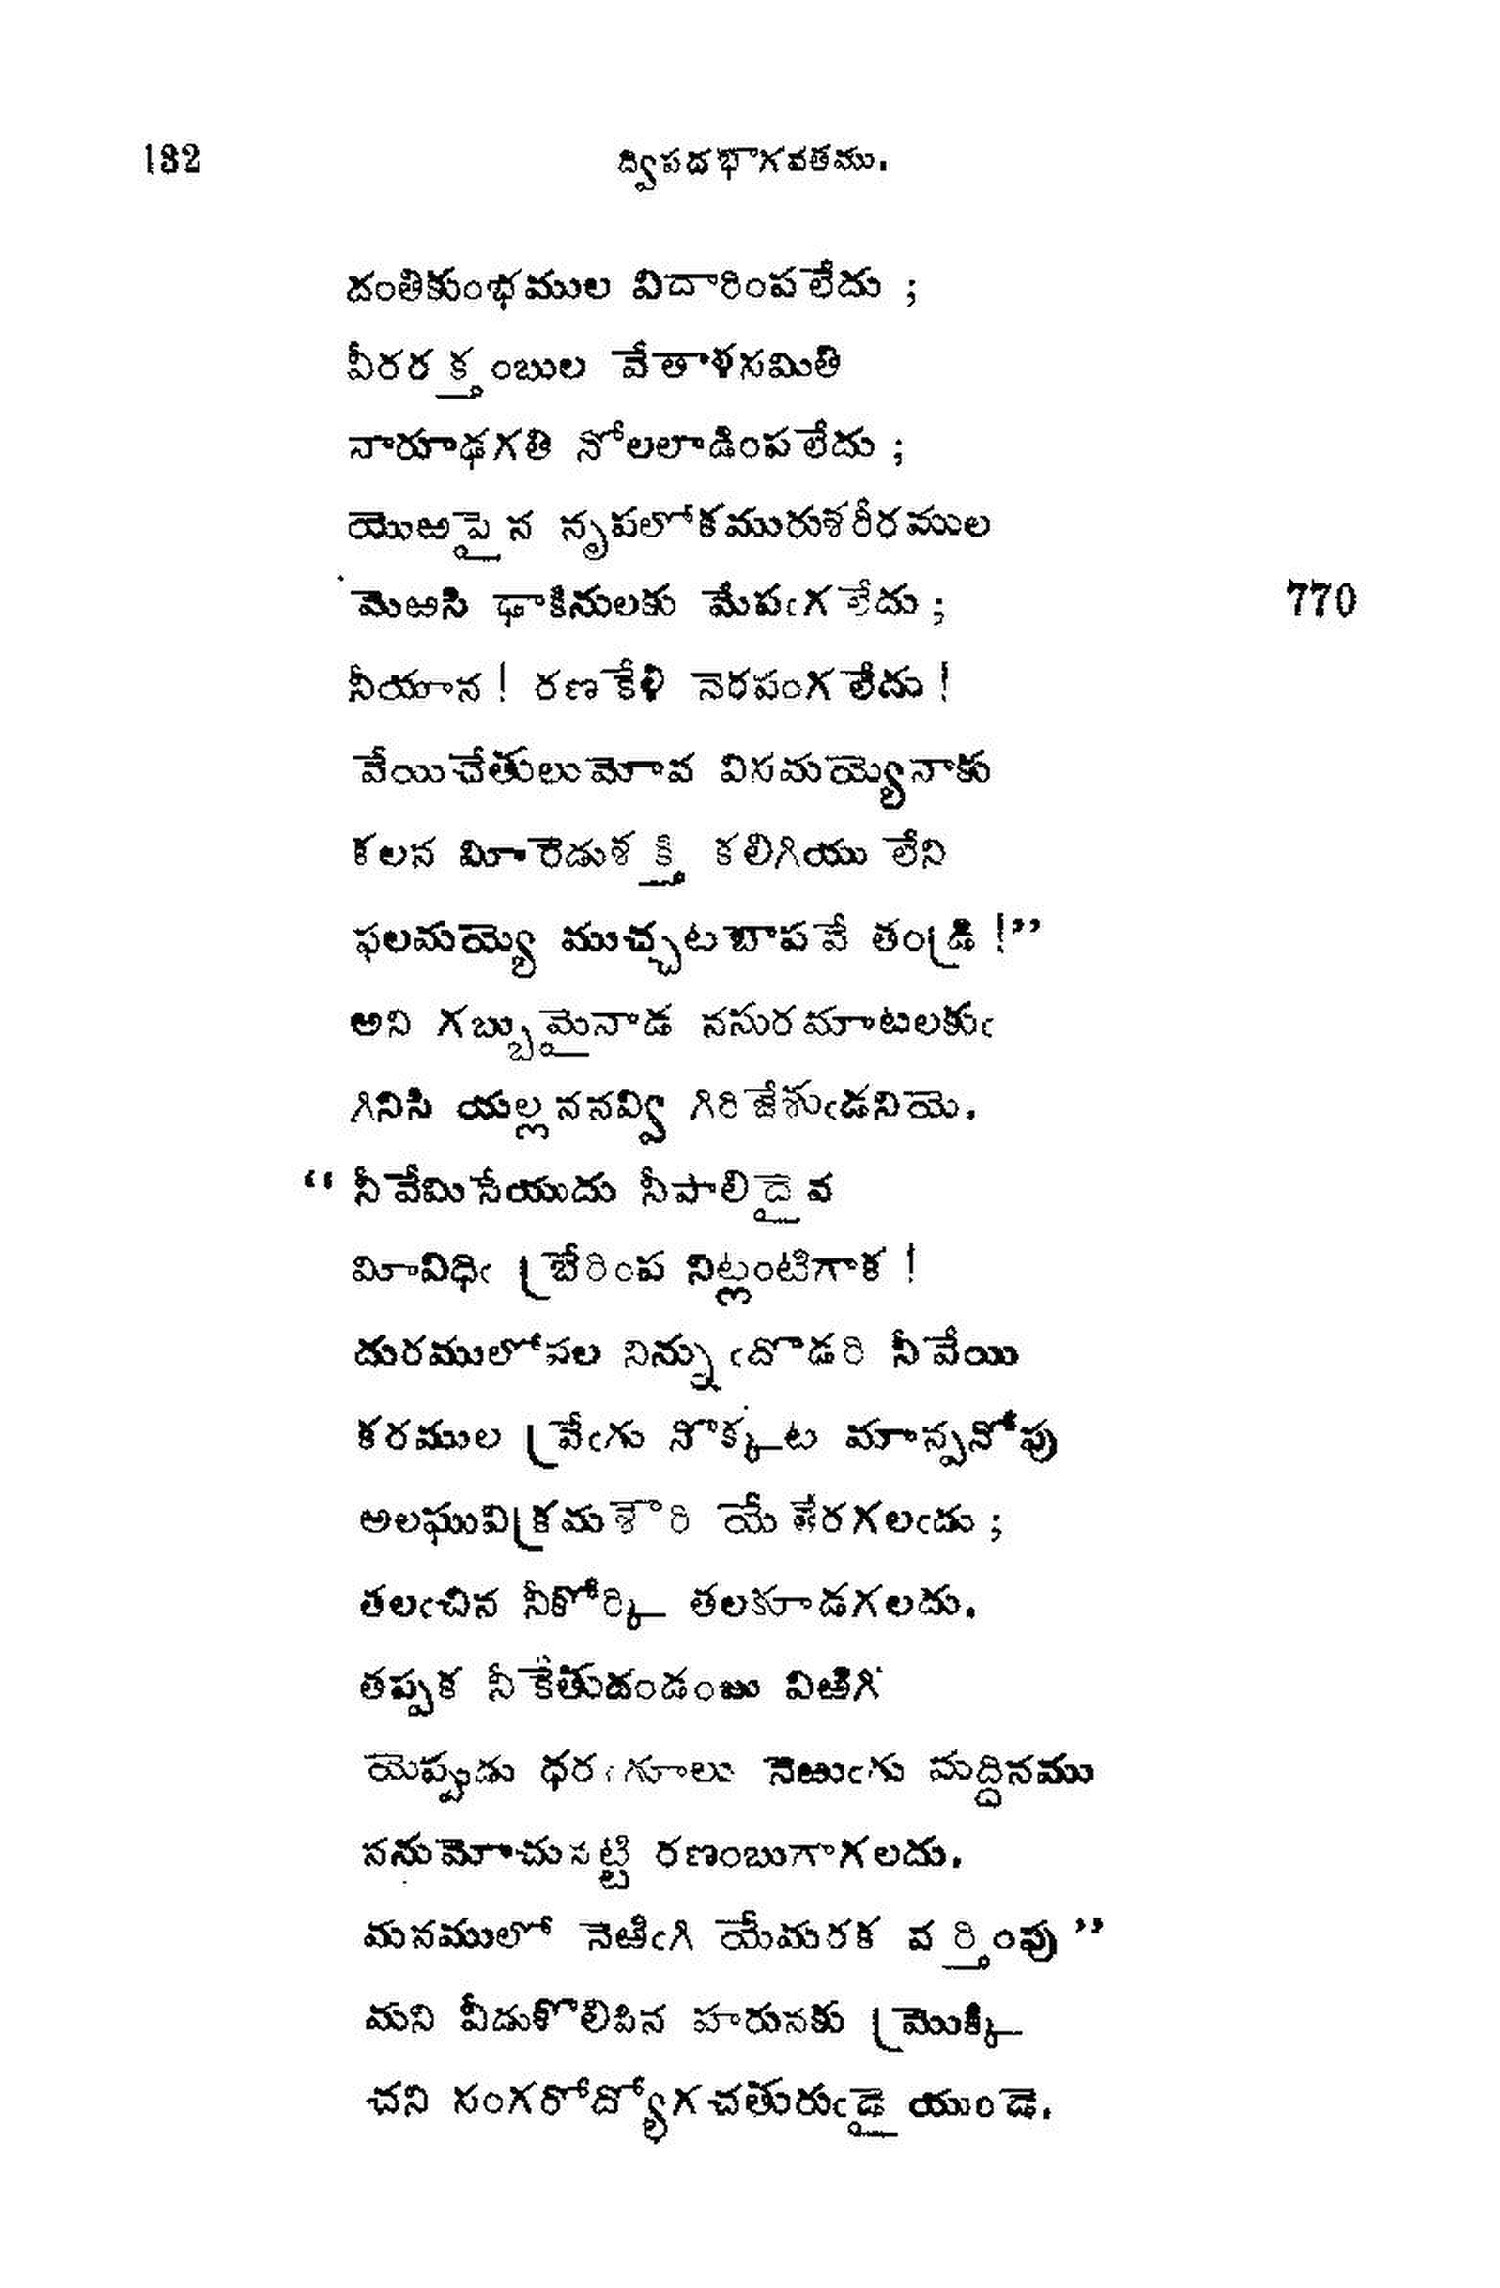దంతికుంభముల విదారింపలేదు; 
వీరరక్తంబుల వేతాళసమితి 
నారూఢగతి నోలలాడింపలేదు; 
యొఱపైన నృపలోకమురు శరీరముల
మెఱసి ఢాకినులకు మేపఁగలేదు;
నీయాన! రణకేళి నెఱపంగ లేదు! 
వేయిచేతులుమోవ విసమయ్యె నాకు
కలన మీరెడుశక్తి కలిగియు లేని
ఫలమయ్యె ముచ్చట బాపవే తండ్రి!” 
అని గబ్బుమైనాడ నసురమాటలకుఁ
గినిసి యల్లన నవ్వి గిరిజేశుఁడనియె. 
“నీవేమి సేయుదు నీపాలిదైవ
మీవిధిఁ బ్రేరింప నిట్లంటిగాక! 
దురములోపల నిన్నుఁదొడరి నీవేయి
కరముల వ్రేఁగు నొక్కట మాన్పనోవు
అలఘువిక్రమశౌరి యేతేరగలడు; 
తలఁచిన నీకోర్కి తలకూడగలదు. 
తప్పక నీకేతుదండంబు విఱిగి
యెప్పుడు ధరఁగూలు నెఱుఁగు మద్దినము
ననుమోచునట్టి రణంబుగాగలదు. 
మనములో నెఱిఁగి యేమరక వర్తింపు”
మని వీడుకొలిపిన హరునకు మ్రొక్కి
చని సంగరోద్యోగ చతురుఁడై యుండె.